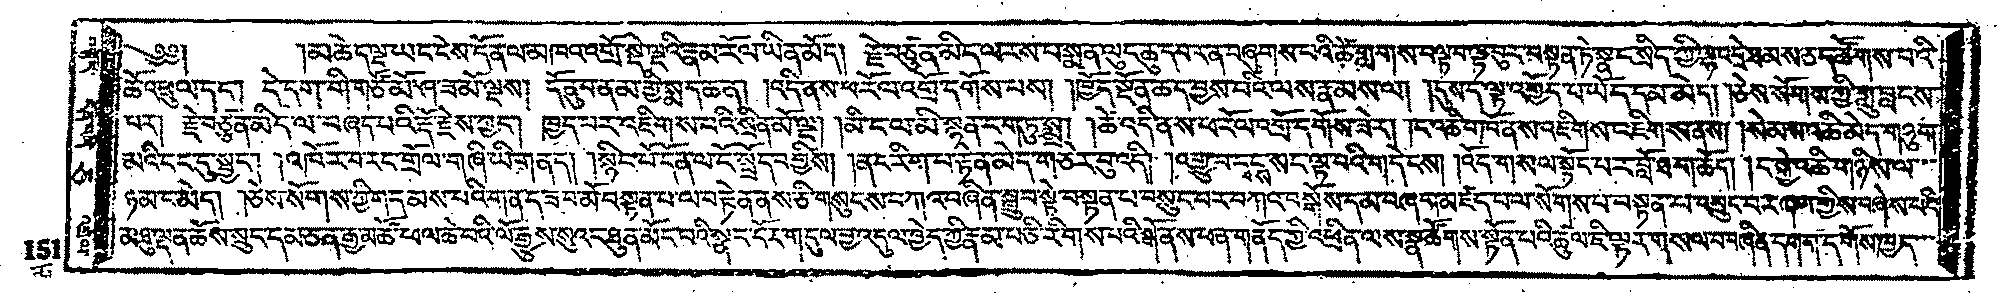༄༅། །མཆེད་ལྔ་ཡང་ངེས་དོན་ལ་མཁའ་འགྲོ་སྡེ་ལྔའི་རྣམ་རོལ་ཡིན་མོད། རྗེ་བཙུན་མིད་ལ་རས་པ་སྨན་ལུང་ཆུ་དབར་ན་བཞུགས་པའི་ཚེ་གླགས་བལྟ་བ་ལྟ་བུར་བསྟན་ཏེ་སྣང་སྲིད་ཀྱི་ལྷ་འདྲེ་ཐམས་ཅད་ཚོགས་པའི་
ཆོ་འཕྲུལ་དང་། དེ་དག་གི་གཙོ་མོ་ཤ་ཟ་མོ་ལྔས། དོ་ནུབ་ནམ་གྱི་སྨད་ཆ་ན། །འདི་ནས་ཕ་རོལ་འགྲོ་དགོས་པས། །ཁྱོད་སྔོན་ཆད་བྱས་པའི་ལས་རྣམས་ལ། །དུས་ད་ལྟ་འགྱོད་པ་ཡོད་དམ་མེད། །ཅེས་སོགས་ཀྱི་གླུ་བླངས་
པར། རྗེ་བཙུན་མིད་ལ་བཞད་པའི་རྡོ་རྗེས་ཀྱང་། ཁྱད་པར་འཇིགས་པའི་སྲིན་མོ་ལྔ། །མི་ང་ལ་མི་སྙན་ངག་ཏུ་སྨྲ། །ཚེ་འདི་ནས་ཕ་རོལ་འགྲོ་དགོས་ཟེར། །ང་འཆི་བ་ཁོ་ནས་འཇིགས་འཇིགས་ནས། །སེམས་འཆི་མེད་གཉུག་
མའི་ངང་དུ་སྦྱང་། །འཁོར་བ་རང་གྲོལ་གཞི་ཡི་གནད། །སྙིང་པོ་དོན་ལ་ངོ་སྤྲོད་བགྱིས། །ནང་རིག་པ་རྟེན་མེད་གཅེར་བུ་འདི། །འགྱུ་བ་དྭངས་སང་ལྟ་བའི་གདེངས། །འོད་གསལ་སྟོང་པར་བློ་ཐག་ཆོད། །ང་སྐྱེ་འཆི་གཉིས་ལ་
ཉམ་ང་མེད། །ཅེས་སོགས་ཀྱི་གདམས་པའི་གནད་ཟབ་མོ་བསྟན་པ་ལ་བརྟེན་ནས་ཅི་གསུངས་བཀའ་བཞིན་སྒྲུབ་སྟེ་བསྟན་པ་བསྲུང་བར་བཀའ་བསྒོས་དམ་བཞག་མཛད་པ་ལ་སོགས་པ་བསྟན་པ་བསྲུང་བར་ཞལ་གྱིས་བཞེས་པའི་
མཐུ་ལྡན་ཆོས་སྲུང་དམ་ཅན་རྒྱ་མཚོ་ཕལ་ཆེ་བའི་ལོ་རྒྱུས་སུའང་ཐུན་མོང་བའི་སྣང་ངོར་གདུལ་བྱ་འདུལ་བྱེད་ཀྱི་རྣམ་པ་ཅི་རིགས་པའི་སྒོ་ནས་ཕན་གནོད་ཀྱི་འཕྲིན་ལས་སྣ་ཚོགས་སྟོན་པའི་ཚུལ་ཇི་ལྟར་གསལ་བ་བཞིན་དགག་དགོས་ཁྱད་